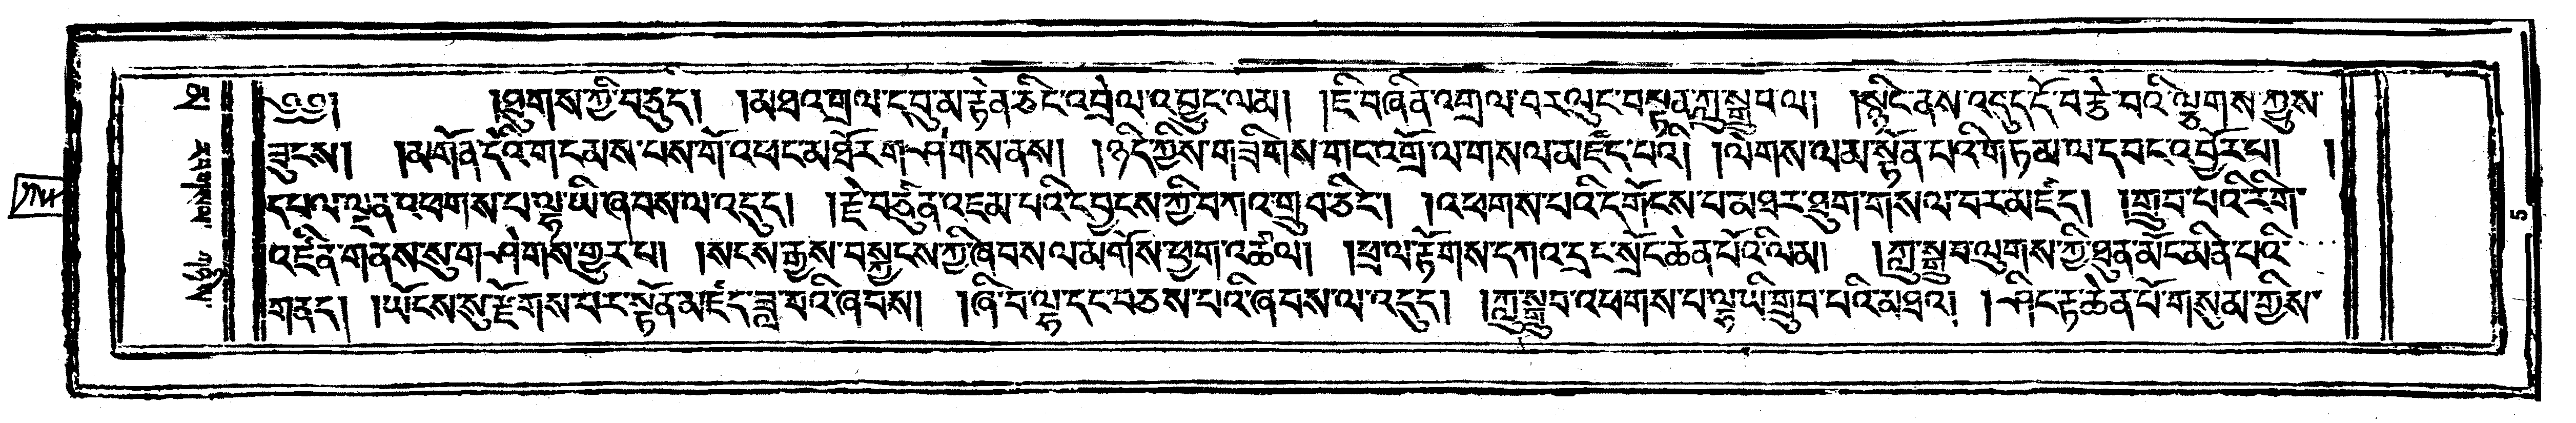༄༅། །ཐུགས་ཀྱི་བཅུད། །མཐའ་བྲལ་དབུ་མ་རྟེན་ཅིང་འབྲེལ་འབྱུང་ལམ། །ཇི་བཞིན་འགྲེལ་པར་ལུང་བསྟན་ཀླུ་སྒྲུབ་ལ། །སྙིང་ནས་འདུད་དོ་བརྩེ་བའི་ལྕགས་ཀྱུས་
ཟུངས། །མགོན་དེའི་གདམས་པས་གོ་འཕང་མཐོར་གཤེགས་ནས། །ཉིད་ཀྱིས་གཟིགས་གང་འགྲོ་ལ་གསལ་མཛད་པའི། །ལེགས་ལམ་སྟོན་པའི་གཏམ་ལ་དབང་འབྱོར་པ།།
དཔལ་ལྡན་འཕགས་པ་ལྷ་ཡི་ཞབས་ལ་འདུད། །རྗེ་བཙུན་འཇམ་པའི་དབྱངས་ཀྱི་བཀའ་གྲུབ་ཅིང་། །འཕགས་པའི་དགོངས་པ་མཐར་ཐུག་གསལ་བར་མཛད། །གྲུབ་པའི་རིག་
འཛིན་གནས་སུ་གཤེགས་གྱུར་པ། །སངས་རྒྱས་བསྐྱངས་ཀྱི་ཞབས་ལ་མགོས་ཕྱག་འཚལ། །ཕྲ་ལ་རྟོགས་དཀའ་དྲང་སྲོང་ཆེན་པོའི་ལམ། །ཀླུ་སྒྲུབ་ལུགས་ཀྱི་ཐུན་མོང་མིན་པའི་
གནད། །ཡོངས་སུ་རྫོགས་པར་སྟོན་མཛད་ཟླ་བའི་ཞབས། །ཞི་བ་ལྷ་དང་བཅས་པའི་ཞབས་ལ་འདུད། །ཀླུ་སྒྲུབ་འཕགས་པ་ལྷ་ཡི་གྲུབ་པའི་མཐའ། །ཤིང་རྟ་ཆེན་པོ་གསུམ་གྱིས་